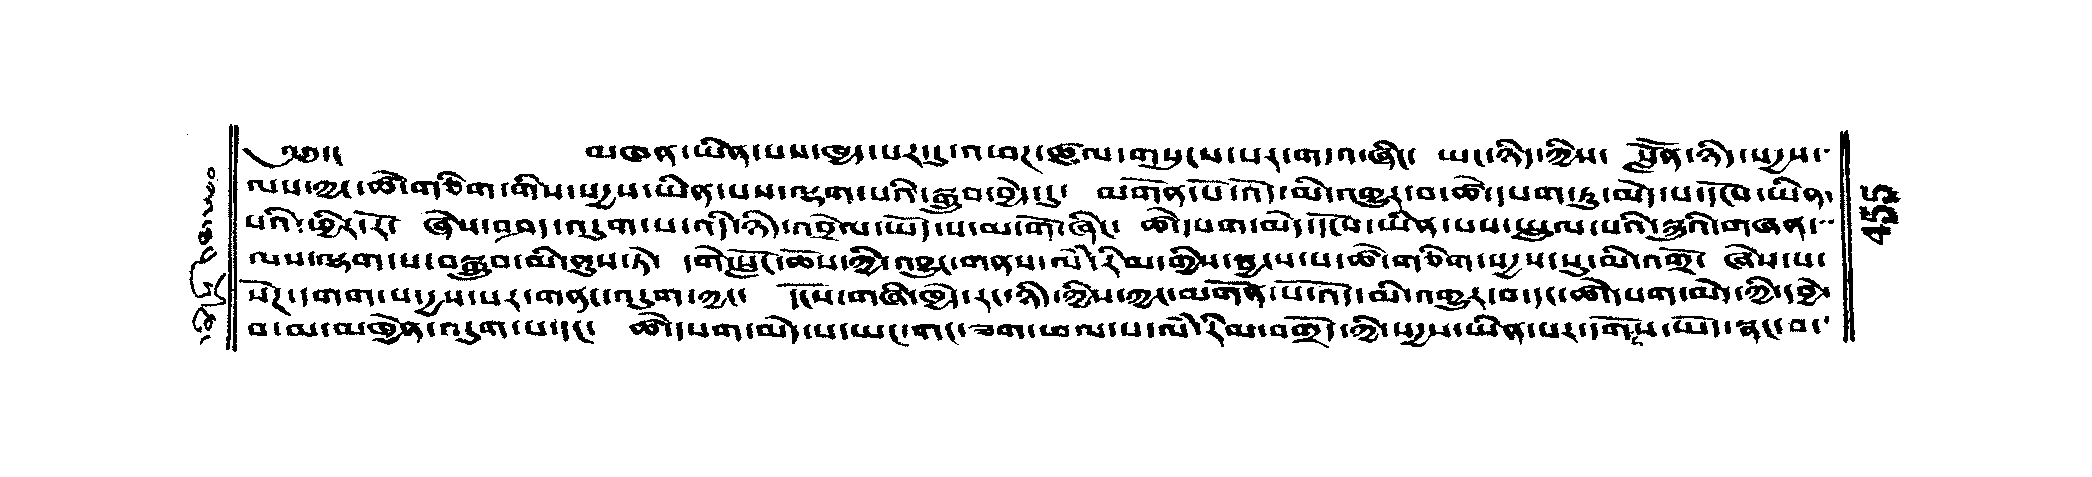མཁན་ཡིན་པས་ཁྱད་པར་དུ་འཕགས་ཚུལ་གསུངས་པར་གདའ་ཞིང་། ཡང་ཉིད་ཀྱིས། སློབ་དཔོན་ཉིད་སངས་རྒྱས་
ལས་ཀྱང་ཚེ་གཅིག་གིས་སངས་རྒྱས་ཡིན་པས་ལྷག་པའི་སྒྲུབ་བྱེད་དུ། མགོན་པོ་འོད་མི་འགྱུར་བ་ཚེ་དཔག་ཏུ་མེད་པ་དངོས་ཡིན་
པའི་ཕྱིར་རོ། ཞེས་བཤད་འདུག་པ་འདི་ཉིད་འབྲེལ་ཡོད་པ་མ་གོ་ཞིང་། ཚེ་དཔག་མེད་དངོས་ཡིན་པས་སྤྲུལ་པའི་སྐུའི་གཞན་
ལས་ལྷག་པ་བསྒྲུབ་མི་ནུས་ཏེ། དགེ་སློང་ཆོས་ཀྱི་འབྱུང་གནས་ལམ་རིམ་གྱིས་སྦྱངས་པ་ཚེ་གཅིག་སངས་རྒྱས་སུ་མི་འགྲོ་ཞེས་པ་
སོགས་དགག་པ་རྒྱས་པར་གནང་འདུག་ཀྱང་། དངོས་གཞི་ཁྱེད་རང་ཉིད་ཀྱིས་ཀྱང་མགོན་པོ་འོད་མི་འགྱུར་བ་དང་ཚེ་དཔག་མེད་ཀྱི་དབྱེ་
བ་མ་མཁྱེན་འདུག་པ་དང་།ཚེ་དཔག་མེད་པ་ཡང་གང་ཟག་ཕལ་པ་ལམ་རིམ་བགྲོད་ཀྱི་སངས་རྒྱས་ཡིན་པར་དགོངས་ཡོད་སྣང་བ་